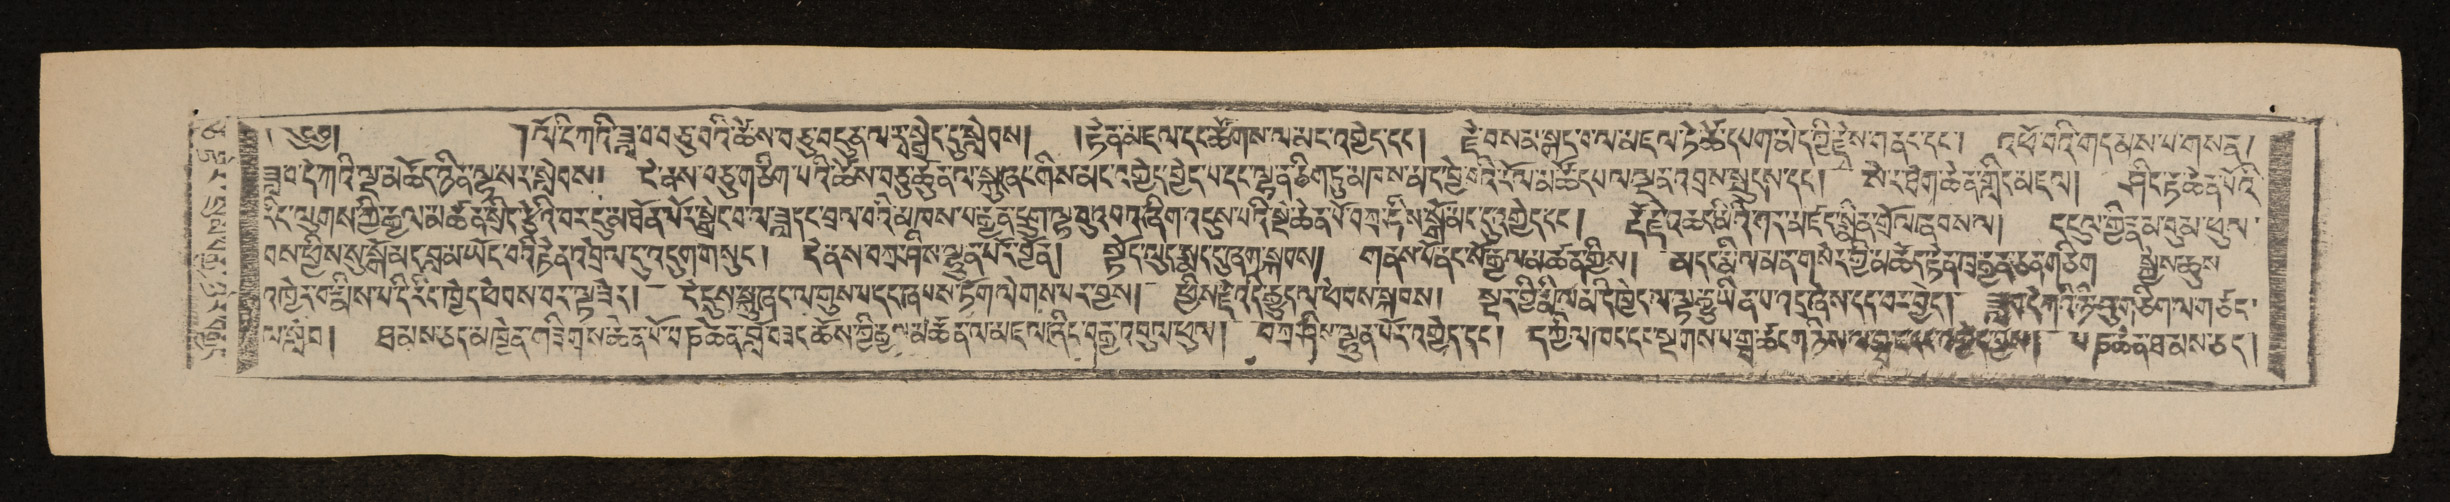༄༅། །ལོ་དེ་ཀའི་ཟླ་བ་བཅུ་པའི་ཆོས་བཅུ་བདུན་ལ་རྭ་སྒྲེང་དུ་སླེབས། རྟེན་མཇལ་དང་ཚོགས་ལ་མང་འགྱེད་དང་། རྗེ་བསམ་སྒང་པ་ལ་མཇལ་ཏེ་ཚེ་དཔག་མེད་ཀྱི་རྗེས་གནང་དང་། འཕོ་བའི་གདམས་པ་གསན།
ཟླ་བ་དེ་ཀའི་ལྔ་མཆོད་ཉིན་ལྷ་སར་སླེབས། དེ་ནས་བཅུ་གཅིག་པའི་ཚེས་བཅུ་ཚུན་ལ་སྐུ་ཞང་གིས་མང་འགྱེད་བྱེད་པ་དང་ལྷན་ཅིག་ཏུ་མཁས་མང་བྱེ་བའི་རོལ་མཚོ་དཔལ་ལྡན་འབྲས་སྤུངས་དང་། སེར་ཐེག་ཆེན་གླིང་མཇལ། ཤིང་རྟ་ཆེན་པོའི་
རིང་ལུགས་ཀྱི་རྒྱལ་མཚན་སྲིད་རྩེའི་བར་དུ་མཐོན་པོར་སྒྲེང་བ་ལ་ཟླ་དང་བྲལ་བའི་མཁས་པ་རྒྱན་དྲུག་ལྟ་བུ་འབའ་ཞིག་འདུས་པའི་སྡེ་ཆེན་པོ་བཀྲ་ཤིས་སྒོ་མང་དུ་འགྱེད་དང་། རྡོ་རྗེ་འཆང་མིའི་གར་མཛད་སྨིན་གྲོལ་ཞབས་ལ། དངུལ་གྱི་རྣམ་བུམ་ཕུལ་
བས་ཕྱིས་སུ་སྒོ་མང་བླ་མ་ཡོང་པའི་རྟེན་འབྲེལ་དུ་འདུག་གསུང་། དེ་ནས་བཀྲ་ཤིས་ལྷུན་པོར་བྱོན། སྟོད་ལུང་སྨད་དུ་ཞག་སྐབས། གནས་པོ་ནང་སོ་རྒྱལ་མཚན་གྱིས། མདང་རྨི་ལམ་ན་གསེར་གྱི་མཆོད་རྟེན་ཁྲ་རྒྱན་ཅན་གཅིག །སྐྱེས་ཆུས་
འཁྱེར་བ་རྨིས་པ་དེ་རིང་ཁྱེད་ཕེབས་པར་ལྷ་ཟེར། དེ་དུས་སྐུ་ཞང་ལ་གུས་པ་དང་ཞབས་ཏོག་ལེགས་པར་བྱས། ཕྱིས་རྗེ་འདི་རྒྱུད་ལ་ཕེབས་སྐབས། སྔར་གྱི་རྨི་ལམ་དེ་ཁྱེད་ལ་ལྟ་རྒྱུ་ཡིན་པ་འདྲ་ཞེས་དད་པར་བྱེད། ཟླ་བ་དེ་ཀའི་ཉི་ཤུ་གཅིག་ལ་གཙང་
ལ་སླེབ། ཐམས་ཅད་མཁྱེན་གཟིགས་ཆེན་པོ་པཎ་ཆེན་བློ་བཟང་ཆོས་ཀྱི་རྒྱལ་མཚན་ལ་མཇལ་ཞིང་བརྒྱ་འབུལ་ཕུལ། བཀྲ་ཤིས་ལྷུན་པོར་འགྱེད་དང་། དཀྱིལ་ཁང་དང་སྔགས་པ་གྲྭ་ཚང་གཉིས་ལ་གྲྭ་ཇ་དང་འགྱེད་བྱས། པཎ་ཆེན་ཐམས་ཅད་